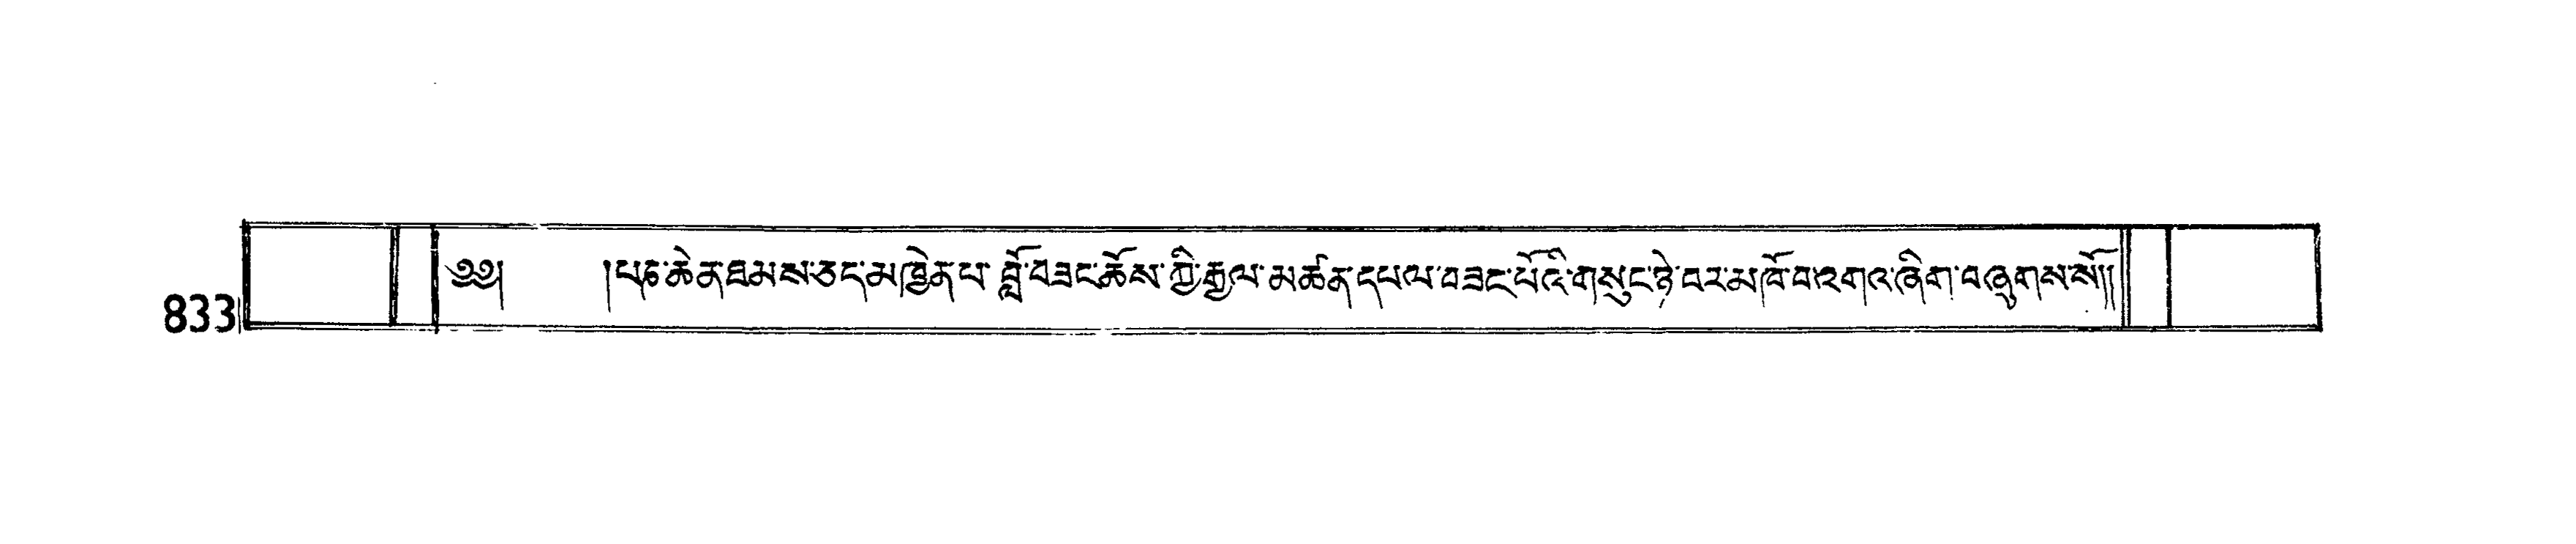༄༅། །པཎ་ཆེན་ཐམས་ཅད་མཁྱེན་པ་བློ་བཟང་ཆོས་ཀྱི་རྒྱལ་མཚན་དཔལ་བཟང་པོའི་གསུང་ཉེ་བར་མཁོ་བ་འགའ་ཞིག་བཞུགས་སོ། །